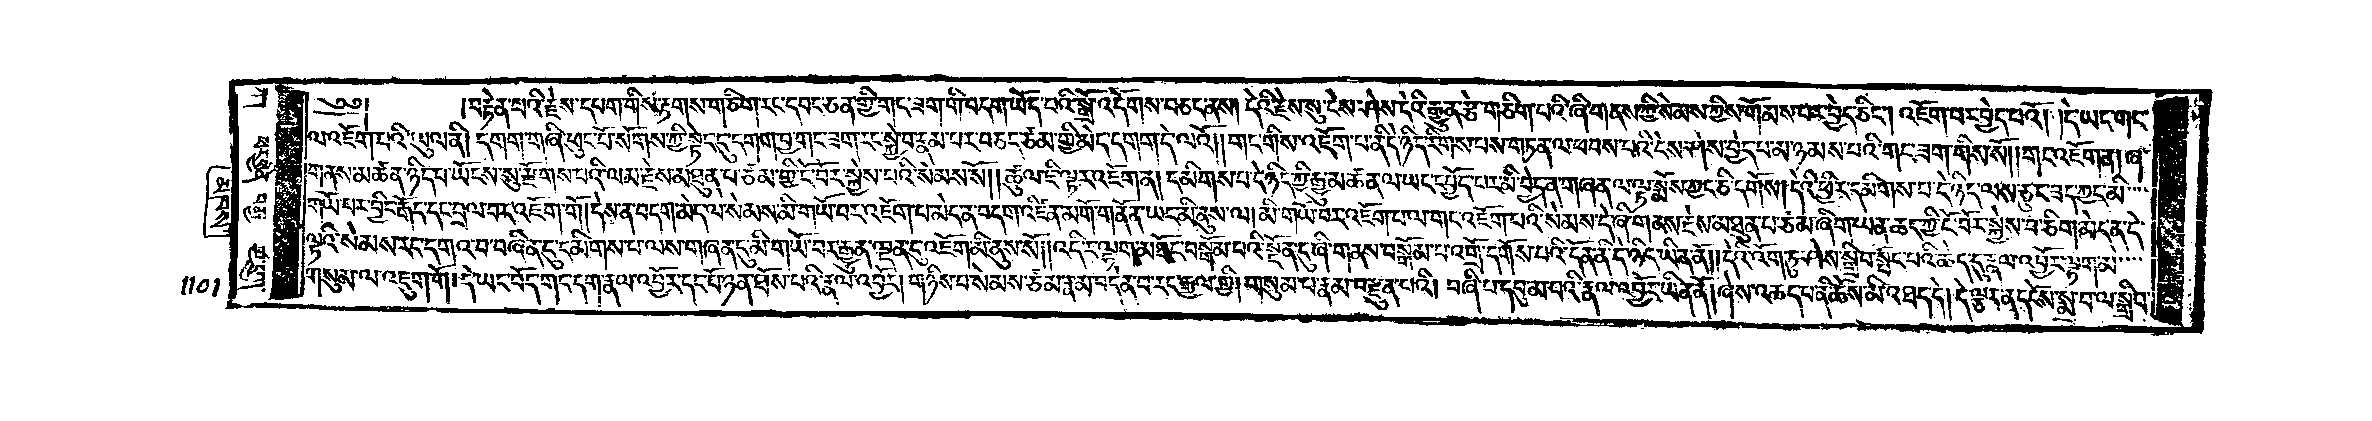༄༅། །བརྟེན་པའི་རྗེས་དཔག་གིས་རྟགས་གཅིག་རང་དབང་ཅན་གྱི་གང་ཟག་གི་བདག་ཡོད་པའི་སྒྲོ་འདོགས་བཅད་ནས། དེའི་རྗེས་སུ་ངེས་ཤེས་དེའི་རྒྱུན་རྩེ་གཅིག་པའི་ཞི་གནས་ཀྱི་སེམས་ཀྱིས་གོམས་པར་བྱེད་ཅིང་། འཇོག་པར་བྱེད་པའོ། །དེ་ཡང་གང་
ལ་འཇོག་པའི་ཡུལ་ནི། དགག་གཞི་ཕུང་པོ་སོགས་ཀྱི་སྟེང་དུ་དགག་བྱ་གང་ཟག་རང་སྐྱེ་བ་རྣམ་པར་བཅད་ཙམ་གྱི་མེད་དགག་དེ་ལའོ། །གང་གིས་འཇོག་པ་ནི་དེ་ཉིད་རིགས་པས་གཏན་ལ་ཕབས་པའི་ངེས་ཤེས་བྱེད་པ་མ་ཉམས་པའི་གང་ཟག་གིས་སོ། །གང་འཇོག་ན། ཞི་
གནས་མཚན་ཉིད་པ་ཡོངས་སུ་རྫོགས་པའི་ལམ་རྗེས་མཐུན་པ་ཙམ་གྱི་ངོ་བོར་སྐྱེས་པའི་སེམས་སོ། །ཚུལ་ཇི་ལྟར་འཇོག་ན། དམིགས་པ་དེ་ཉིད་ཀྱི་རྒྱུ་མཚན་ལ་ཡང་དཔྱོད་པར་མི་བྱེད་ན་གཞན་ལ་ལྟ་སྨོས་ཀྱང་ཅི་དགོས། དེའི་ཕྱིར་དམིགས་པ་དེ་ཉིད་ལས་ཅུང་ཟད་ཀྱང་མི་
གཡོ་པར་བྱིང་རྒོད་དང་བྲལ་བར་འཇོག་གོ། དེས་ན་བདག་མེད་ལ་སེམས་མི་གཡོ་བར་འཇོག་པ་མེད་ན་བདག་འཛིན་མགོ་གནོན་ཡང་མི་ནུས་ལ། མི་གཡོ་བར་འཇོག་པ་ལ་གང་འཇོག་པའི་སེམས་དེ་ཞི་གནས་རྗེས་མཐུན་པ་ཙམ་ཞིག་ཡན་ཆད་ཀྱི་ངོ་བོར་སྐྱེས་བ་ཅིག་མེད་ན་དེ་
ལྟའི་སེམས་རང་དགའ་བ་བཞིན་དུ་དམིགས་པ་ལས་གཞན་དུ་མི་གཡོ་བར་རྒྱུན་ལྡན་དུ་འཇོག་མི་ནུས་སོ། །འདིར་ལྷག་མཐོང་བསྒོམ་པའི་སྔོན་དུ་ཞི་གནས་བསྒོམ་པ་འགྲོ་དགོས་པའི་དོན་ནི་དེ་ཉིད་ཡིན་ནོ། །དེའི་འོག་ཏུ་ཤེས་སྒྲིབ་སྤོང་པའི་ཆེད་དུ་རྣལ་འབྱོར་ལྷག་མ་
གསུམ་ལ་འཇུག་གོ། དེ་ཡང་བོད་གང་དག་རྣལ་འབྱོར་དང་པོ་ཉན་ཐོས་པའི་རྣལ་འབྱོར། གཉིས་པ་སེམས་ཙམ་རྣམ་བདེན་པ་རང་རྒྱལ་གྱི། གསུམ་པ་རྣམ་བརྫུན་པའི། བཞི་པ་དབུ་མ་པའི་རྣལ་འབྱོར་ཡིན་ནོ། ཞེས་འཆད་པ་ནི་ཆོས་མི་འཐད་དེ། དེ་ལྟར་ན་དངོས་སྨྲ་བ་ལ་སྒྲིབ་